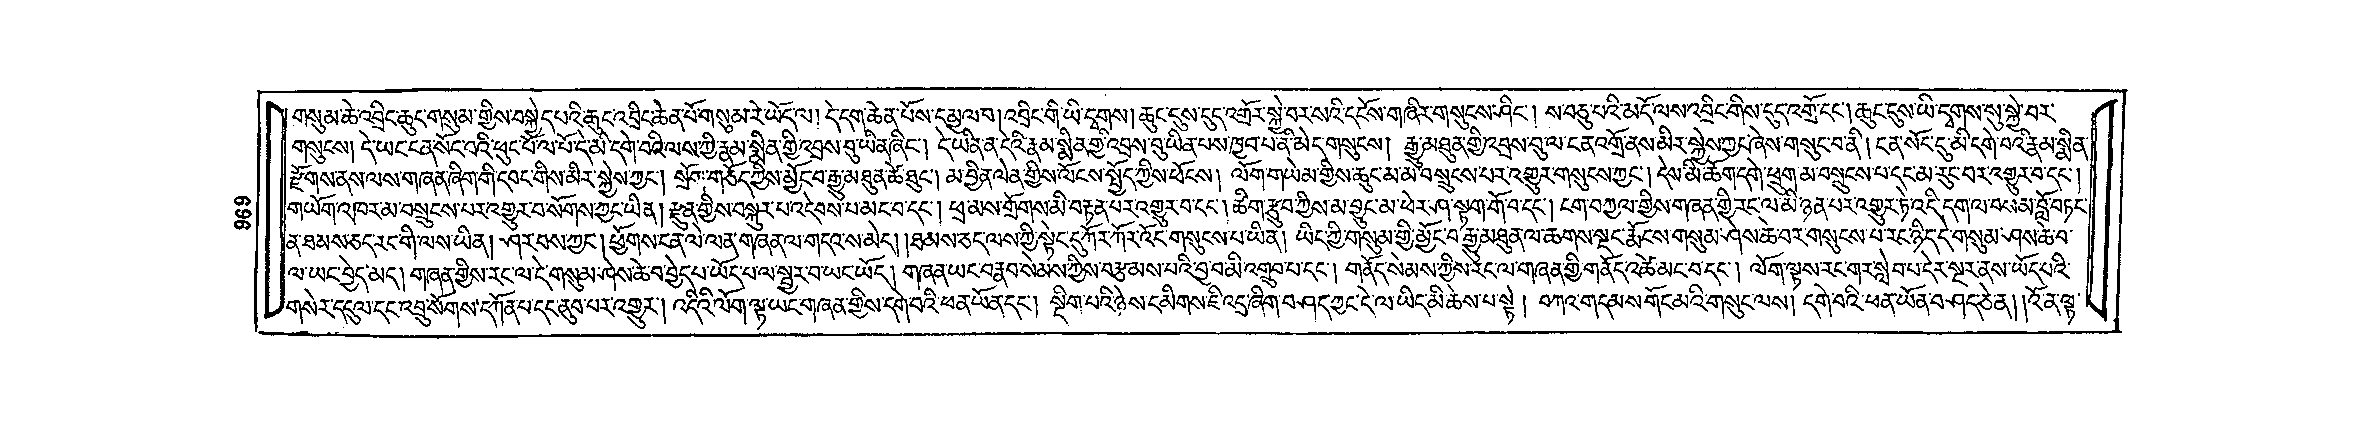གསུམ་ཆེ་འབྲིང་ཆུང་གསུམ་གྱིས་བསྐྱེད་པའི་ཆུང་འབྲིང་ཆེན་པོ་གསུམ་རེ་ཡོད་ལ། དེ་དག་ཆེན་པོས་དམྱལ་བ། འབྲིང་གི་ཡི་དྭགས། ཆུང་དུས་དུད་འགྲོར་སྐྱེ་བར་སའི་དངོས་གཞིར་གསུངས་ཤིང་། ས་བཅུ་པའི་མདོ་ལས་འབྲིང་གིས་དུད་འགྲོ་དང་། ཆུང་དུས་ཡི་དྭགས་སུ་སྐྱེ་བར་
གསུངས། དེ་ཡང་ངན་སོང་བའི་ཕུང་པོ་ལ་པོ་དེ་མི་དགེ་བའི་ལས་ཀྱི་རྣམ་སྨིན་གྱི་འབྲས་བུ་ཡིན་ཞིང་། དེ་ཡིན་ན་དེའི་རྣམ་སྨིན་གྱི་འབྲས་བུ་ཡིན་པས་ཁྱབ་པ་ནི་མེད་གསུངས། རྒྱུ་མཐུན་གྱི་འབྲས་བུ་ལ་ངན་འགྲོ་ནས་མིར་སྐྱེས་ཀྱང་ཞེས་གསུང་བ་ནི། ངན་སོང་དུ་མི་དགེ་བའི་རྣམ་སྨིན་
རྫོགས་ནས་ལས་གཞན་ཞིག་གི་དབང་གིས་མིར་སྐྱེས་ཀྱང་། སྲོག་གཅོད་ཀྱིས་མྱོང་བ་རྒྱུ་མཐུན་ཚེ་ཐུང་། མ་བྱིན་ལེན་གྱིས་ལོངས་སྤྱོད་ཀྱིས་ཕོངས། ལོག་གཡེམ་གྱིས་ཆུང་མ་མ་བསྲུངས་པར་འགྱུར་གསུངས་ཀྱང་། དེས་མི་ཆོག་དགེ་ཕྲུག་མ་བསྲུངས་པ་དང་མ་རུང་བར་འགྱུར་བ་དང་།
གཡོག་འཁར་མ་བསྲུངས་པར་འགྱུར་བ་སོགས་ཀྱང་ཡིན། རྫུན་གྱིས་བསྐུར་པ་འདེབས་པ་མང་བ་དང་། ཕྲ་མས་གྲོགས་མི་བརྟན་པར་འགྱུར་བ་དང་། ཚིག་རྩུབ་ཀྱིས་མ་བྱུང་མ་ཕེར་ཤ་སྟག་གོ་བ་དང་། ངག་བཀྱལ་གྱིས་གཞན་གྱི་རང་ལ་མི་ཉན་པར་འགྱུར་ཏེ་འདི་དག་ལ་བསམ་བློ་བཏང་
ན་ཐམས་ཅད་རང་གི་ལས་ཡིན། ཤར་བས་ཀྱང་། ཕྱོགས་ངན་ལེ་ལན་གཞན་ལ་གདའ་ས་མེད། །ཐམས་ཅད་ལས་ཀྱི་སྟེང་དུ་ཀོར་ཀོར་འོང་གསུངས་པ་ཡིན། ཡིད་ཀྱི་གསུམ་གྱི་མྱོང་བ་རྒྱུ་མཐུན་ལ་ཆགས་སྡང་རྨོངས་གསུམ་ཤེས་ཆེ་བར་གསུངས་པ་རང་ཉིད་དེ་གསུམ་ཤས་ཆེ་བ་
ལ་ཡང་བྱེད་མེད། གཞན་གྱིས་རང་ལ་དེ་གསུམ་ཤེས་ཆེ་བ་བྱེད་པ་ཡོད་པ་ལ་སྦྱར་བ་ཡང་ཡོད། གཞན་ཡང་བརྣབ་སེམས་ཀྱིས་བརྩམས་པའི་བྱ་བ་མི་འགྲུབ་པ་དང་། གནོད་སེམས་ཀྱིས་རང་ལ་གཞན་གྱི་གནོད་འཚེ་མང་བ་དང་། ལོག་ལྟས་རང་གར་སླེབ་པ་དེར་སྔར་ནས་ཡོད་པའི་
གསེར་དངུལ་དང་འབྲུ་སོགས་དཀོན་པ་དང་ནུབ་པར་འགྱུར། འདིའི་ལོག་ལྟ་ཡང་གཞན་གྱིས་དགེ་བའི་ཕན་ཡོན་དང་། སྡིག་པའི་ཉེས་དམིགས་ཇི་འདྲ་ཞིག་བཤད་ཀྱང་དེ་ལ་ཡིད་མི་ཆེས་པ་སྟེ། བཀའ་གདམས་གོང་མའི་གསུང་ལས། དགེ་བའི་ཕན་ཡོན་བཤད་ཅེ་ན། །འོ་ན་ལྟ་